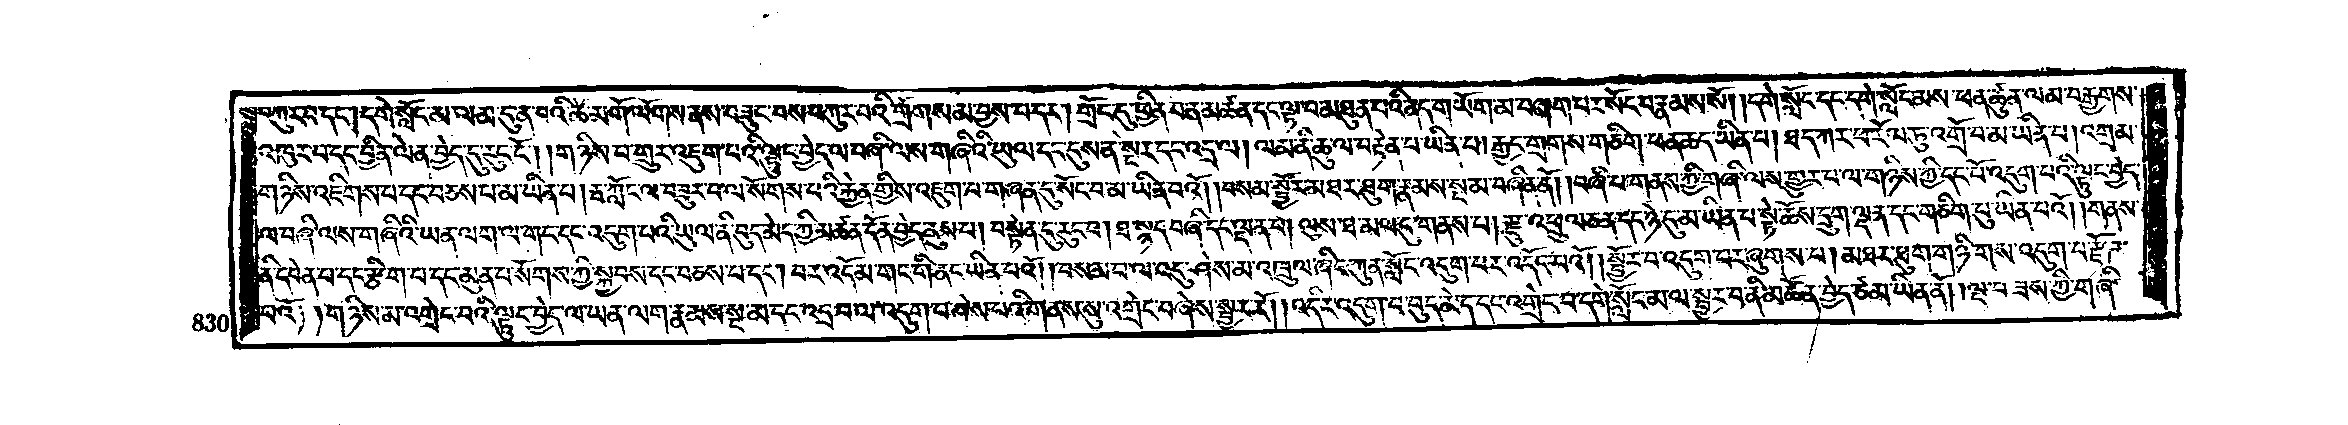བཀུར་བ་དང་། དགེ་སློང་མ་ལམ་དུ་ན་བའི་ཚེ་མགོ་ལོགས་ནས་བཟུང་བས་བཀུར་བའི་གྲོགས་མ་བྱས་པ་དང་། གྲོང་དུ་ཕྱིན་པ་ན་མཚན་དང་ལྟ་བ་མཐུན་པའི་ནད་གཡོག་མ་བཞག་པར་སོང་བ་རྣམས་སོ། །དགེ་སློང་དང་དགེ་སློང་མས་ཕན་ཚུན་ལམ་བརྒྱགས་
འཁུར་བ་དང་བྱིན་ལེན་བྱེད་དུ་རུང་ངོ། །གཉིས་པ་གྲུར་འཇུག་པའི་ལྟུང་བྱེད་ལ་བཞི་ལས་གཞིའི་ཡུལ་དང་དུས་ན་སྔར་དང་འདྲ་ལ། ལམ་ནི་ཆུ་ལ་བརྟེན་པ་ཡིན་པ། རྒྱང་གྲགས་གཅིག་ཕན་ཆད་ཡིན་པ། ཐད་ཀར་ཕ་རོལ་ཏུ་འགྲོ་བ་མ་ཡིན་པ། འགྲམ་
གཉིས་འཇིགས་པ་དང་བཅས་པ་མ་ཡིན་པ། རྦ་ཀློང་ལ་བཟུར་བ་ལ་སོགས་པའི་རྐྱེན་གྱིས་འཇུག་པ་གཞན་དུ་སོང་བ་མ་ཡིན་པའོ། །བསམ་སྦྱོར་མཐར་ཐུག་རྣམས་སྔ་མ་བཞིན་ནོ། །བཞི་པ་གནས་ཀྱི་གཞི་ལས་གྱུར་པ་ལ་གཉིས་ཀྱི་དང་པོ་འདུག་པའི་ལྟུང་བྱེད་
ལ་བཞི་ལས་གཞིའི་ཡན་ལག་ལ་གང་དང་འདུག་པའི་ཡུལ་ནི་བུད་མེད་ཀྱི་མཚན་དོན་བྱེད་ནུས་པ། བསྟེན་དུ་རུང་བ། ཐ་སྙད་བཞི་དང་ལྡན་པ། ལུས་ཐ་མལ་དུ་གནས་པ། རྫུ་འཕྲུལ་ཅན་དང་ཉེ་དུ་མ་ཡིན་པ་སྟེ་ཆོས་དྲུག་ལྡན་དང་གཅིག་པུ་ཡིན་པའོ། །གནས་
ནི་དབེན་པ་དང་རྩིག་པ་དང་མུན་པ་སོགས་ཀྱི་སྐྱབས་དང་བཅས་པ་དང་། བར་འདོམ་གང་གི་ནང་ཡིན་པའོ། །བསམ་པ་ལ་འདུ་ཤེས་མ་འཁྲུལ་ཞིང་ཀུན་སློང་འདུག་པར་འདོད་པའོ། །སྦྱོར་བ་འདུག་པར་ཞུགས་པ། མཐར་ཐུག་གཉི་གས་འདུག་པ་རྫོགས་
པའོ༑ ༑གཉིས་མ་འགྲེང་བའི་ལྟུང་བྱེད་ལ་ཡན་ལག་རྣམས་སྔ་མ་དང་འདྲ་བ་ལ་འདུག་པ་ཞེས་པའི་གནས་སུ་འགྲེང་བཞེས་སྦྱར་རོ། །འདིར་འདུག་པ་བུད་མེད་དང་འགྲེང་བ་དགེ་སློང་མ་ལ་སྦྱར་བ་ནི་མཚོན་བྱེད་ཙམ་ཡིན་ནོ། །ལྔ་པ་ཟས་ཀྱི་གཞི་